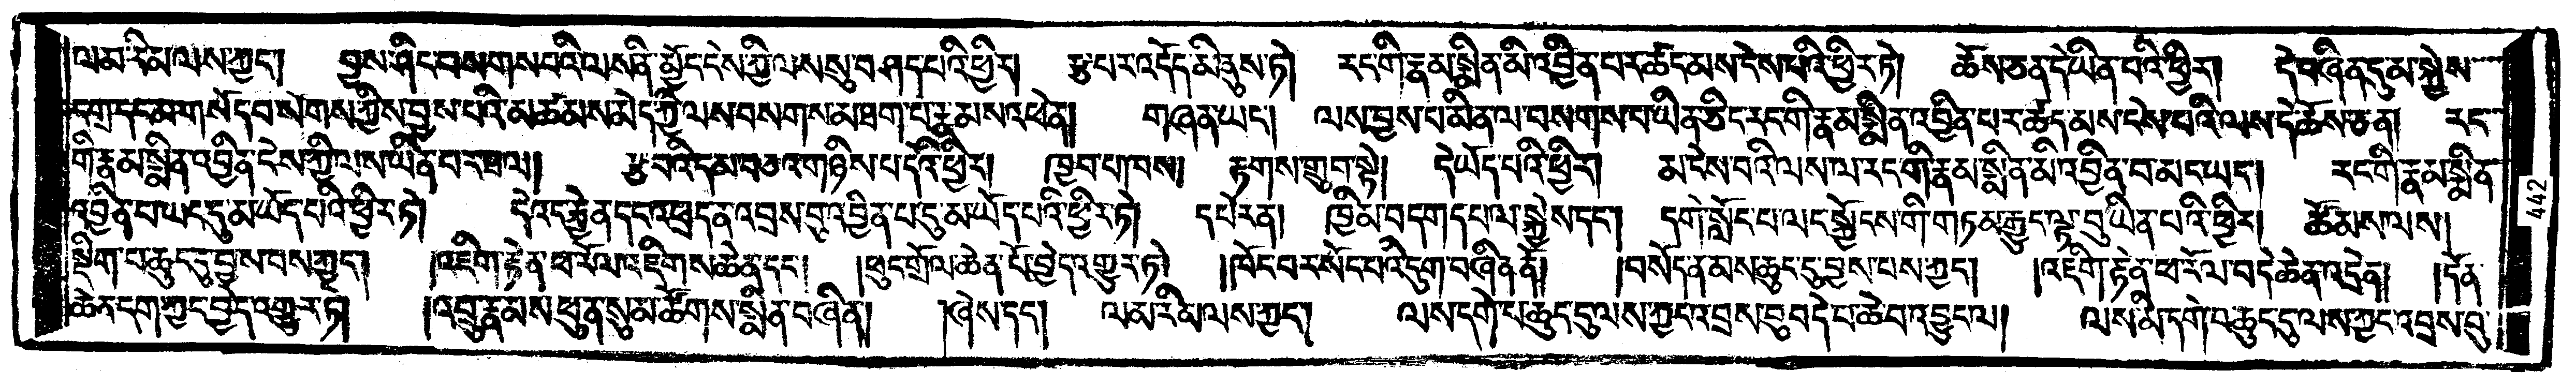ལམ་རིམ་ལས་ཀྱང་། བྱས་ཤིང་བསགས་པའི་ལས་ནི་མྱོང་ངེས་ཀྱི་ལས་སུ་བཤད་པའི་ཕྱིར། རྩ་བར་འདོད་མི་ནུས་ཏེ། རང་གི་རྣམ་སྨིན་མི་འབྱིན་པར་ཚད་མས་ངེས་པའི་ཕྱིར་ཏེ། ཆོས་ཅན་དེ་ཡིན་པའི་ཕྱིར། དེ་བཞིན་དུ་མ་སྐྱེས་
དགྲ་དང་མ་གསོད་པ་སོགས་ཀྱིས་བྱས་པའི་མཚམས་མེད་ཀྱི་ལས་བསགས་མ་ཐག་པ་རྣམས་འཕེན། གཞན་ཡང་། ལས་བྱས་པ་མིན་ལ་བསགས་པ་ཡིན་ཅིང་རང་གི་རྣམ་སྨིན་འབྱིན་པར་ཚད་མས་ངེས་པའི་ལས་དེ་ཆོས་ཅན། རང་
གི་རྣམ་སྨིན་འབྱིན་ངེས་ཀྱི་ལས་ཡིན་པར་ཐལ། རྩ་བའི་དམ་བཅའ་གཉིས་པ་དེའི་ཕྱིར། ཁྱབ་པ་ཁས། རྟགས་གྲུབ་སྟེ། དེ་ཡོད་པའི་ཕྱིར། མ་ངེས་པའི་ལས་ལ་རང་གི་རྣམ་སྨིན་མི་འབྱིན་པ་མང་ཡང་། རང་གི་རྣམ་སྨིན་
འབྱིན་པ་ཡང་དུ་མ་ཡོད་པའི་ཕྱིར་ཏེ། དེའང་རྐྱེན་དང་འཕྲད་ན་འབྲས་བུ་འབྱིན་པ་དུ་མ་ཡོད་པའི་ཕྱིར་ཏེ། དཔེར་ན། ཁྱིམ་བདག་དཔལ་སྐྱེས་དང་། དགེ་སློང་པ་ལང་སྐྱོངས་གི་གཏམ་རྒྱུད་ལྟ་བུ་ཡིན་པའི་ཕྱིར། ཚོམས་ལས།
སྡིག་པ་ཆུང་དུ་བྱས་པས་ཀྱང་། །འཇིག་རྟེན་ཕ་རོལ་འཇིགས་ཆེན་དང་། །ཕུང་གྲོལ་ཆེན་པོ་བྱེད་འགྱུར་ཏེ། །ཁོང་བར་སོང་པའི་དུག་བཞིན་ནོ། །བསོད་ནམས་ཆུང་ངུ་བྱས་པས་ཀྱང་། །འཇིག་རྟེན་ཕ་རོལ་བདེ་ཆེན་འདྲེན། །དོན་
ཆེན་དག་ཀྱང་བྱེད་འགྱུར་ཏེ། །འབྲུ་རྣམས་ཕུན་སུམ་ཚོགས་སྨིན་བཞིན། །ཞེས་དང་། ལམ་རིམ་ལས་ཀྱང་། ལས་དགེ་བ་ཆུང་ངུ་ལས་ཀྱང་འབྲས་བུ་བདེ་བ་ཆེ་བ་འབྱུང་ལ། ལས་མི་དགེ་བ་ཆུང་ངུ་ལས་ཀྱང་འབྲས་བུ་